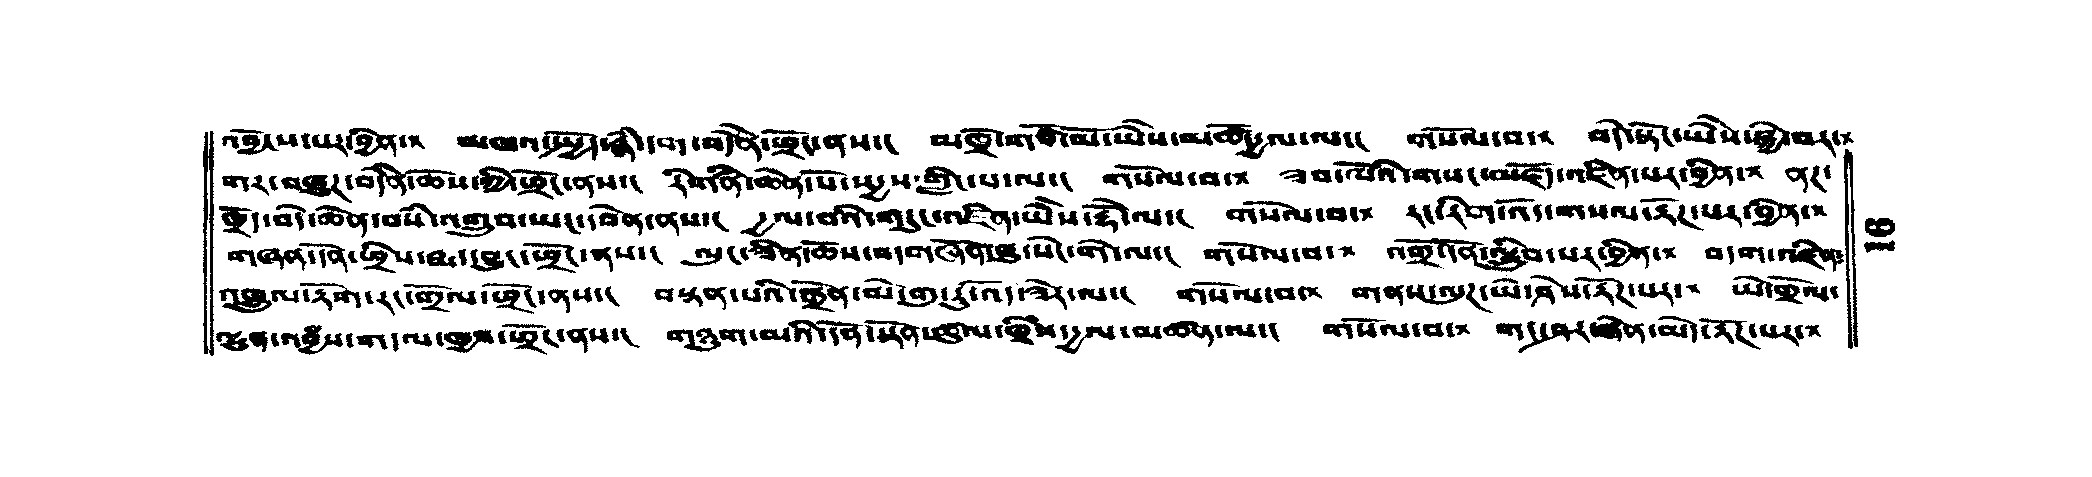འབྱོངས་པར་བྱིན༴ །མཁའ་སྤྱོད་རྣམ་དག་བདེ་ཆེན་ཕོ་བྲང་ནས། །མཁའ་འགྲོའི་གཙོ་མོ་ཡེ་ཤེས་མཚོ་རྒྱལ་ལ། གསོལ་བ༴ །བདེ་སྟོང་ཡེ་ཤེས་སྐྱེ་བར༴ །
གར་བཞུགས་བདེ་ཆེན་ཆོས་ཀྱི་ཕོ་བྲང་ནས། །རིག་འཛིན་ཆེན་པོ་སངས་རྒྱས་གླིང་པ་ལ། །གསོལ་བ༴ །ཟབ་མོའི་གསང་མཛོད་འཛིན་པར་བྱིན༴།ནགས་
ཁྲོད་བདེ་ཆེན་བསམ་འགྲུབ་ཡང་དབེན་ནས། །རྒྱལ་བའི་གདུང་འཛིན་ཡེ་ཤེས་རྡོ་རྗེ་ལ། །གསོལ་བ༴ །རང་རིག་འོད་གསལ་རྟོགས་པར་བྱིན༴ །
གཞན་དོན་ཕྲིན་ལས་རྨད་བྱུང་ཕོ་བྲང་ནས། །ལུང་ཟིན་ཆོས་བདག་གཞོན་ནུ་སེང་གེ་ལ། །གསོལ་བ༴ །འགྲོ་དོན་ལྷུང་གྱིས་གྲུབ་པར་བྱིན༴ །བདག་འཛིན་
འཁྲུལ་རྟོག་རང་གྲོལ་ཕོ་བྲང་ནས། །བསྟན་པའི་སྒྲོན་མེ་གུ་རུ་འོད་ཟེར་ལ། །གསོལ་བ༴ །གནས་ལུགས་ཡེ་ཤེས་རྟོགས་པར༴ །ཡེ་གྲོལ་
ལྷུན་འབྱམས་གདལ་ཁྱབ་ཕོ་བྲང་ནས། །གཉུག་མའི་དོན་སྟོན་ཚུལ་ཁྲིམས་རྒྱལ་མཚན་ལ། །གསོལ་བ༴ །གང་ཤར་ཞེན་མེད་རྟོགས་པར༴